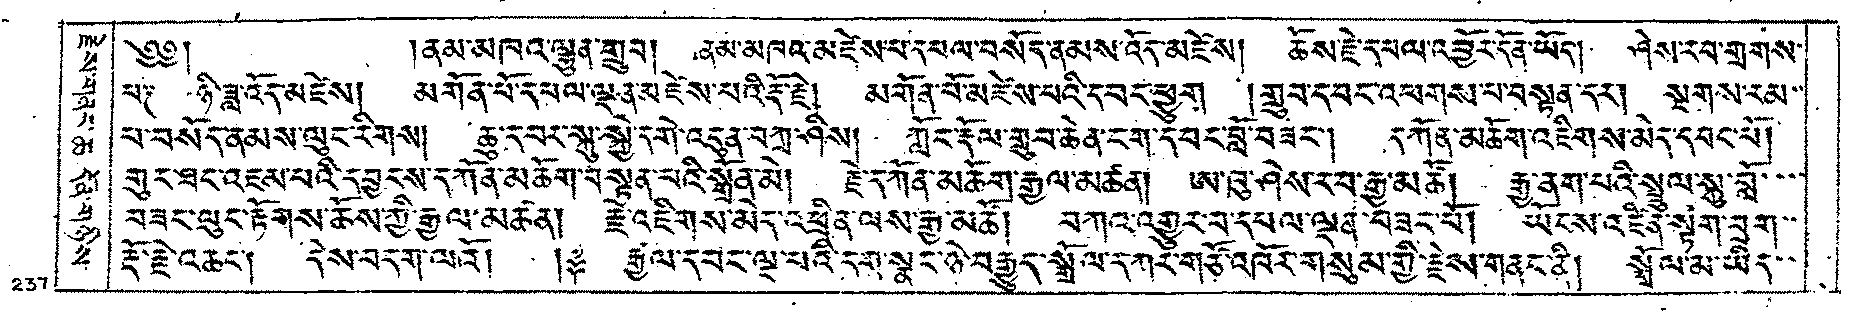༄༅། །ནམ་མཁའ་ལྷུན་གྲུབ། ནམ་མཁའ་མཛེས་པ་དཔལ་བསོད་ནམས་འོད་མཛེས། ཆོས་རྗེ་དཔལ་འབྱོར་དོན་ཡོད། ཤེས་རབ་གྲགས་
པ༑ ཉི་ཟླ་འོད་མཛེས། མགོན་པོ་དཔལ་ལྡན་མཛེས་པའི་རྡོ་རྗེ། མགོན་པོ་མཛེས་པའི་དབང་ཕྱུག །གྲུབ་དབང་འཕགས་པ་བསྟན་དར། སྔགས་རམ་
པ་བསོད་ནམས་ལུང་རིགས། ཆུ་དབར་སྐུ་སྐྱེ་དགེ་འདུན་བཀྲ་ཤིས། ཀློང་རྡོལ་གྲུབ་ཆེན་ངག་དབང་བློ་བཟང་། དཀོན་མཆོག་འཇིགས་མེད་དབང་པོ།
གུང་ཐང་འཇམ་པའི་དབྱངས་དཀོན་མཆོག་བསྟན་པའི་སྒྲོན་མེ། རྗེ་དཀོན་མཆོག་རྒྱལ་མཚན། ཨ་ཁུ་ཤེས་རབ་རྒྱ་མཚོ། རྒྱ་ནག་པའི་སྤྲུལ་སྐུ་བློ་
བཟང་ལུང་རྟོགས་ཆོས་ཀྱི་རྒྱལ་མཚན། རྗེ་འཇིགས་མེད་འཕྲིན་ལས་རྒྱ་མཚོ། བཀའ་འགྱུར་བ་དཔལ་ལྡན་བཟང་པོ། ཡོངས་འཛིན་སྟག་བྲག་
རྡོ་རྗེ་འཆང་། དེས་བདག་ལའོ། ། ༈ རྒྱལ་དབང་ལྔ་པའི་དག་སྣང་ཉེ་བརྒྱུད་སྒྲོལ་དཀར་གཙོ་འཁོར་གསུམ་གྱི་རྗེས་གནང་ནི། སྒྲོལ་མ་ཡིད་